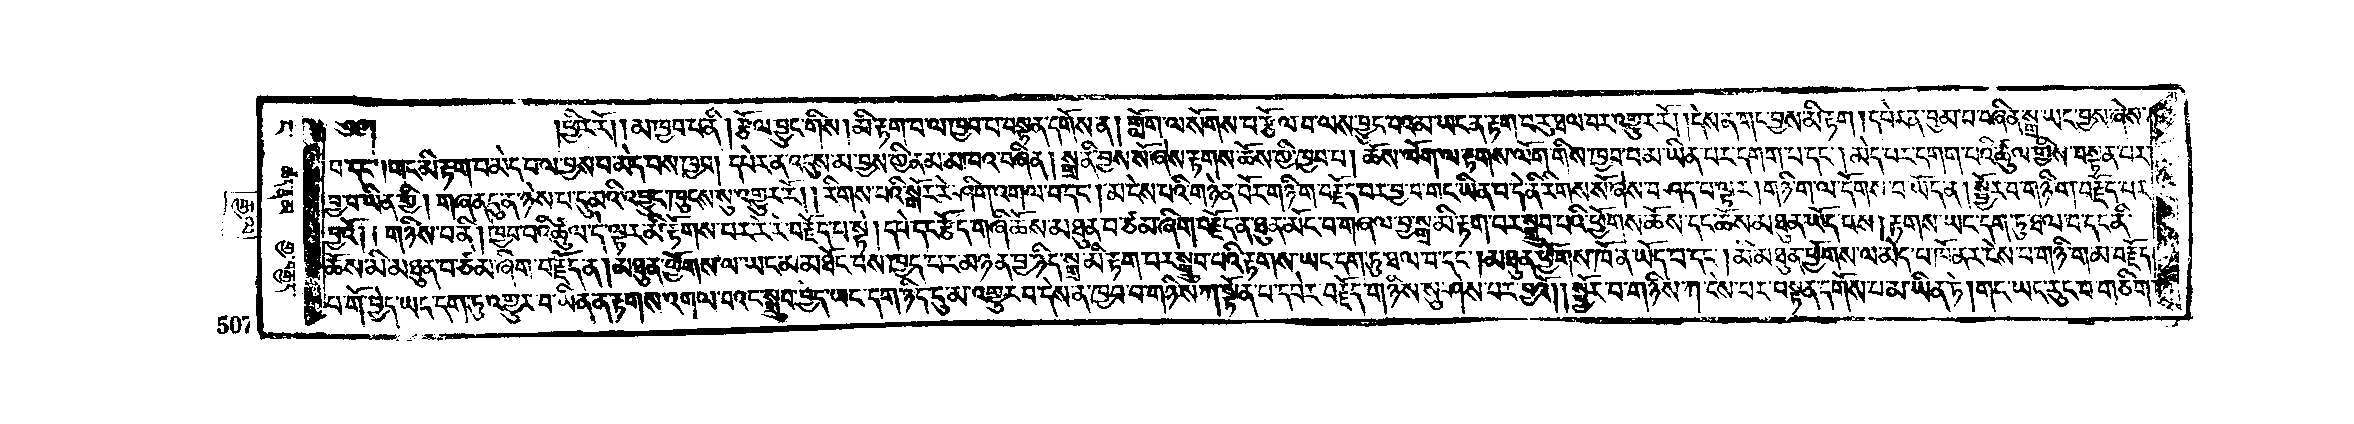༄༅། །ཕྱིར་རོ། །མ་ཁྱབ་པ་ནི། རྩོལ་བྱུང་གིས། མི་རྟག་པ་ལ་ཁྱབ་པ་བསྟན་དགོས་ན། གློག་ལ་སོགས་པ་རྩོལ་བ་ལས་བྱུང་བའམ་ཡང་ན་རྟག་པ་རུ་ཐལ་བར་འགྱུར་རོ། །དེས་ན་གང་བྱས་མི་རྟག །དཔེར་ན་བུམ་པ་བཞིན་སྒྲ་ཡང་བྱས་ཞེས་
པ་དང་། གང་མི་རྟག་པ་མེད་པ་ལ་བྱས་པ་མེད་པས་ཁྱབ། དཔེར་ན་འདུས་མ་བྱས་ཀྱི་ནམ་མཁའ་བཞིན། སྒྲ་ནི་བྱས་སོ་ཞེས་རྟགས་ཆོས་ཀྱི་ཁྱབ་པ། ཆོས་ཁོག་ལ་རྟགས་ལོག་གིས་ཁྱབ་པ་མ་ཡིན་པར་དགག་པ་དང་། མེད་པར་དགག་པའི་ཚུལ་གྱིས་བསྟན་པར་
བྱ་བ་ཡིན་གྱིས་།གཞན་དུ་ན་ཉེས་པ་དུ་མའི་འབྱུང་ཁུངས་སུ་འགྱུར་རོ། །རིགས་པའི་སྒོར་རེ་ཤིག་འགལ་བ་དང་། མ་ངེས་པའི་གཉེན་པོར་གཉི་ག?་བརྗོད་པར་བྱ་བ་གང་ཡིན་པ་དེ་ནི་རིགས་སོ་ཞེས་བཤད་པ་ལྟར། གཉི་ག?་ལ་དོགས་པ་ཡོད་ན། སྦྱོར་བ་གཉི་ག་བརྗོད་པར་
བྱའོ༑ ༑གཉིས་པ་ནི། ཁྱབ་པའི་ཚུལ་དེ་ལྟར་མི་རྟོགས་པར་རེ་རེ་བརྗོད་པ་སྟེ། དཔེ་དང་རྩོད་གཞི་ཆོས་མཐུན་པ་ཙམ་ཞིག་བརྗོད་ན་ཐུན་མོང་བ་གཞལ་བྱ་སྒྲ་མི་རྟག་པར་སྒྲུབ་པའི་ཕྱོགས་ཆོས་དང་ཆོས་མཐུན་ཡོད་པས། རྟགས་ཡང་དག་ཏུ་ཐལ་བ་དང་ནི་
ཆོས་མི་མཐུན་པ་ཙམ་ཞིག་བརྗོད་ན། མཐུན་ཕྱོགས་ལ་ཡང་མ་མཐོང་བས་ཁྱད་པར་མཉན་བྱ་ཉིད་སྒྲ་མི་རྟག་པར་སྒྲུབ་པའི་རྟགས་ཡང་དག་ཏུ་ཐལ་བ་དང་། མཐུན་ཕྱོགས་ཁོ་ན་ཡོད་པ་དང་། མི་མཐུན་ཕྱོགས་ལ་མེད་པ་ཁོ་ནར་ངེས་པ་གཉི་ག་མ་བརྗོད་
པ་གོ་བྱེད་ཡང་དག་ཏུ་འགྱུར་བ་ཡིན་ན་རྟགས་འགལ་བའང་སྒྲུབ་བྱེད་ཡང་དག་ཉིད་དུ་མ་འགྱུར་བ་དེས་ན་ཁྱབ་པ་གཉིས་ཀ་སྟོན་པ་དཔེར་བརྗོད་གཉིས་སུ་ཤེས་པར་བྱའོ། །སྦྱོར་བ་གཉིས་ཀ་ངེས་པར་བསྟན་དགོས་པ་མ་ཡིན་ཏེ། གང་ཡང་རུང་བ་གཅིག་